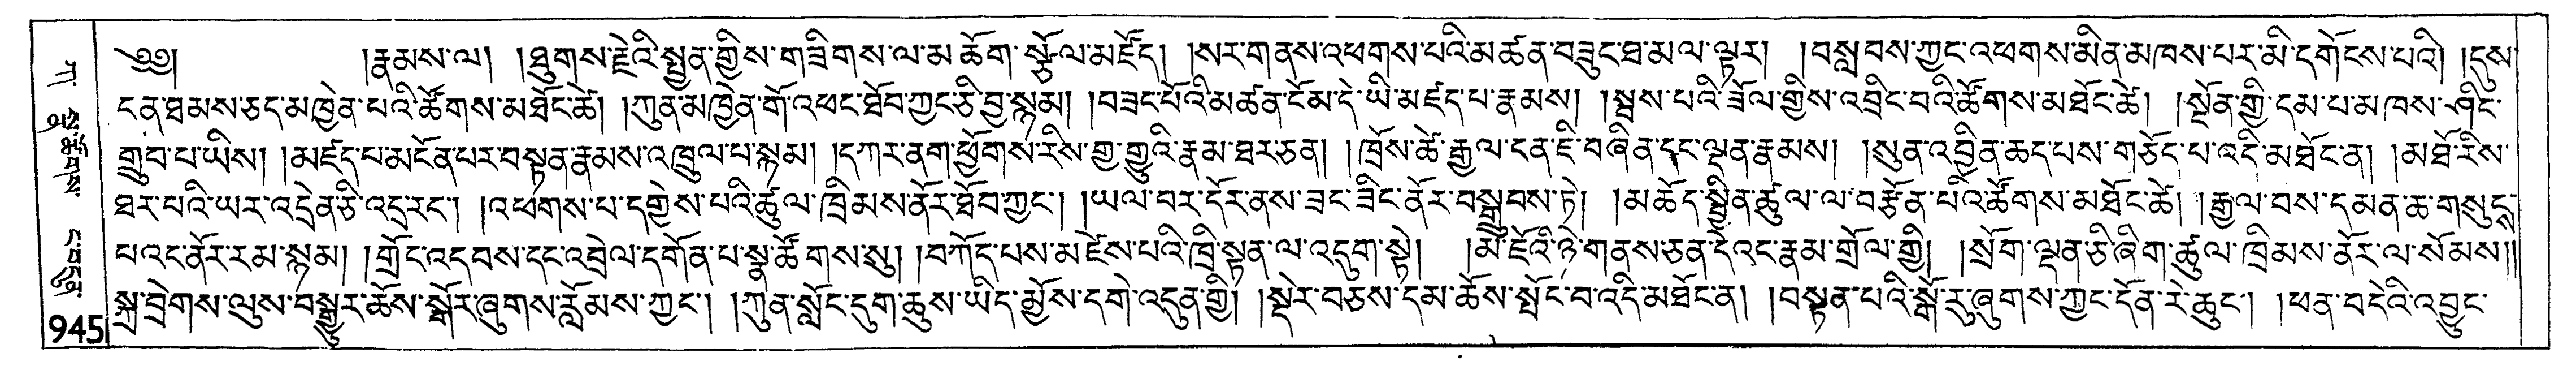༄༅། །རྣམས་ལ། །ཐུགས་རྗེའི་སྤྱན་གྱིས་གཟིགས་ལ་མཆོག་སྩོལ་མཛོད། །སར་གནས་འཕགས་པའི་མཚན་བཟུང་ཐ་མལ་ལྟར། །བསླབས་ཀྱང་འཕགས་མིན་མཁས་པར་མི་དགོངས་པའི། །དུས་
ངན་ཐམས་ཅད་མཁྱེན་པའི་ཚོགས་མཐོང་ཚེ། །ཀུན་མཁྱེན་གོ་འཕང་ཐོབ་ཀྱང་ཅི་བྱ་སྙམ། །བཟང་པོའི་མཚན་ངོམ་དེ་ཡི་མཛད་པ་རྣམས། །སྦས་པའི་ཟོལ་གྱིས་འབྲིང་བའི་ཚོགས་མཐོང་ཚེ། །སྔོན་གྱི་དམ་པ་མཁས་ཤིང་
གྲུབ་པ་ཡིས། །མཛད་པ་མངོན་པར་བསྟན་རྣམས་འཁྲུལ་པ་སྙམ། །དཀར་ནག་ཕྱོགས་རིས་གྱ་གྱུའི་རྣམ་ཐར་ཅན། །ཁྲོས་ཚེ་རྒྱལ་ངན་ཇི་བཞིན་དང་ལྡན་རྣམས། །སུན་འབྱིན་ཆད་པས་གཅོད་པ་འདི་མཐོང་ན། །མཐོ་རིས་
ཐར་པའི་ཡར་འདྲེན་ཅི་འདྲ་རང་། །འཕགས་པ་དགྱེས་པའི་ཚུལ་ཁྲིམས་ནོར་ཐོབ་ཀྱང་། །ཡལ་བར་དོར་ནས་ཟང་ཟིང་ནོར་བསྒྲུབས་ཏེ། །མཆོད་སྦྱིན་ཚུལ་ལ་བརྩོན་པའི་ཚོགས་མཐོང་ཚེ། །རྒྱལ་བས་དམན་ཆ་གསུངས་
པའང་ནོར་རམ་སྙམ། །གྲོང་འདབས་དང་འབྲེལ་དགོན་པ་སྣ་ཚོགས་སུ། །བཀོད་པས་མཛེས་པའི་ཁྲི་སྟན་ལ་འདུག་སྟེ། །མ་ཇོའི་ཉེ་གནས་ཅན་དེའང་རྣམ་གྲོལ་གྱི། །སྲོག་ལྡན་ཅི་ཞིག་ཚུལ་ཁྲིམས་ནོར་ལ་སོམས། །
སྐྲ་བྲེགས་ལུས་བསྒྱུར་ཆོས་སྒོར་ཞུགས་རློམས་ཀྱང་། །ཀུན་སློང་དུག་ཆུས་ཡིད་མྱོས་དགེ་འདུན་གྱི། །སྡེར་བཅས་དམ་ཆོས་སྤོང་བ་འདི་མཐོང་ན། །བསྟན་པའི་སྒོ་རུ་ཞུགས་ཀྱང་དོན་རེ་ཆུང་། །ཕན་བདེའི་འབྱུང་